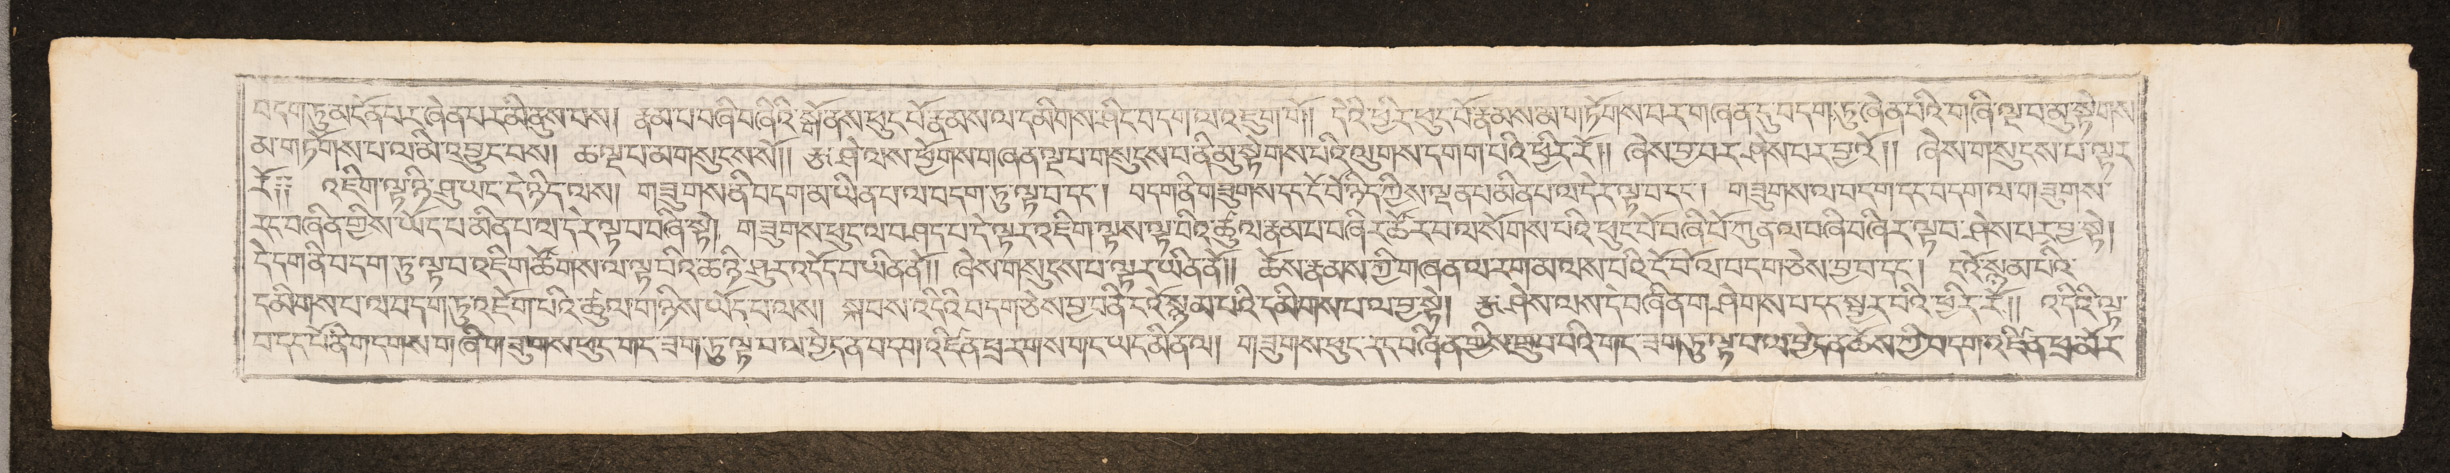བདག་ཏུ་མངོན་པར་ཞེན་པར་མི་ནུས་པས། རྣམ་པ་བཞི་བཞིའི་སྒོ་ནས་ཕུང་པོ་རྣམས་ལ་དམིགས་ཤིང་བ་བདག་ལ་འཇུག་གོ། དེའི་ཕྱིར་ཕུང་པོ་རྣམས་མ་གཏོགས་པར་གཞན་དུ་བདག་ཏུ་ཞེན་པའི་གཞི་ལྔ་བ་མུ་སྟེགས་
མ་གཏོགས་པ་ལ་མི་འབྱུང་བས། ཆ་ལྔ་པ་མ་གསུངས་སོ།། རྩ་ཤེ་ལས་ཕྱོགས་གཞན་ལྔ་པ་གསུངས་པ་ནི་མུ་སྟེགས་པའི་ལུགས་དགག་པའི་ཕྱིར་རོ།། ཞེས་བྱ་བར་ཤེས་པར་བྱའོ།། ཞེས་གསུངས་པ་ལྟར་
རོ༑༑ འཇིག་ལྟ་ཉི་ཤུ་ཡང་དེ་ཉིད་ལས། གཟུགས་ནི་བདག་མ་ཡིན་པ་ལ་བདག་ཏུ་ལྟ་བ་དང་། བདག་ནི་གཟུགས་དང་ངོ་བོ་ཉིད་ཀྱིས་ལྡན་པ་མིན་པ་ལ་དེར་ལྟ་བ་དང་། གཟུགས་ལ་བདག་དང་བདག་ལ་གཟུགས་
རང་བཞིན་གྱིས་ཡོད་པ་མིན་པ་ལ་དེར་ལྟ་བ་བཞི་སྟེ། གཟུགས་ཕུང་ལ་བཤད་པ་དེ་ལྟར་འཇིག་ལྟས་ལྟ་བའི་ཚུལ་རྣམ་པ་བཞིར་ཚོར་བ་ལ་སོགས་པའི་ཕུང་པོ་བཞི་པོ་ཀུན་ལ་བཞི་བཞིར་ལྟ་བ་ཤེས་པར་བྱ་སྟེ།
དེ་དག་ནི་བདག་ཏུ་ལྟ་བ་འཇིག་ཚོགས་ལ་ལྟ་བའི་ཆ་ཉི་ཤུར་འདོད་པ་ཡིན་ནོ།། ཞེས་གསུངས་པ་ལྟར་ཡིན་ནོ།། ཆོས་རྣམས་ཀྱི་གཞན་ལ་རག་མ་ལས་པའི་ངོ་བོ་ལ་བདག་ཅེས་བྱ་བ་དང་། ངའོ་སྙམ་པའི་
དམིགས་པ་ལ་བདག་ཏུ་འཇོག་པའི་ཚུལ་གཉིས་ཡོད་པ་ལས། སྐབས་འདིའི་བདག་ཅེས་བྱ་བ་ནི་ངའོ་སྙམ་པའི་དམིགས་པ་ལ་བྱ་སྟེ། རྩ་ཤེས་ལས་དེ་བཞིན་གཤེགས་པ་དང་སྦྱར་བའི་ཕྱིར་རོ།། འདིའི་ལྟ་
པ་དང་པོ་ནི་གདགས་གཞི་གཟུགས་ཕུང་གང་ཟག་ཏུ་ལྟ་བ་ལ་བྱེད་ན་བདག་འཛིན་ཕྲ་རགས་གང་ཡང་མིན་ལ། གཟུགས་སུ་ཕུང་རང་བཞིན་གྱིས་གྲུབ་པའི་གང་ཟག་ཏུ་ལྟ་བ་ལ་བྱེད་ན་ཆོས་ཀྱི་བདག་འཛིན་ཕྲ་མོར་